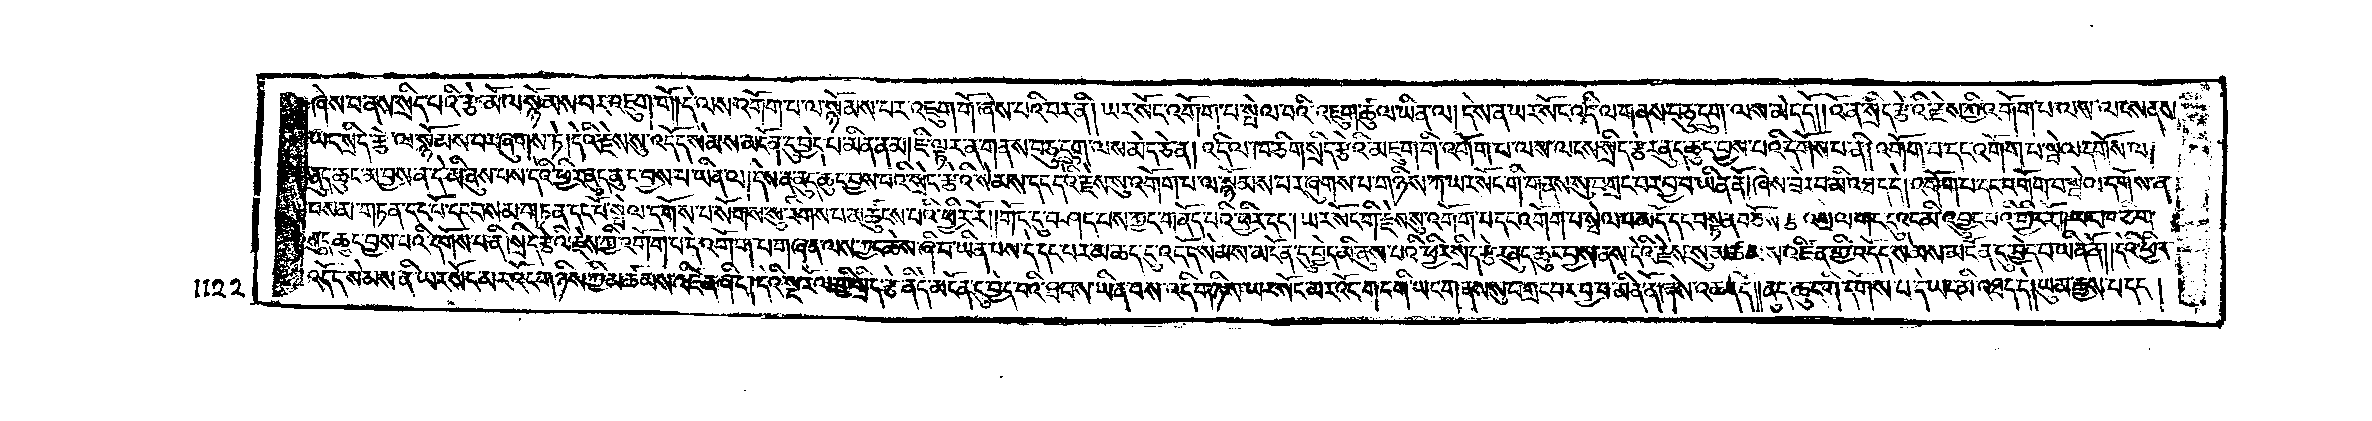ཞེས་པ་ནས་སྲིད་པའི་རྩེ་མོ་ལ་སྙོམས་པར་འཇུག་གོ །དེ་ལས་འགོག་པ་ལ་སྙོམས་པར་འཇུག་གོ་ཞེས་པའི་བར་ནི། ཡར་སོང་འགོག་པ་སྤེལ་བའི་འཇུག་ཚུལ་ཡིན་ལ། དེས་ན་ཡར་སོང་འདི་ལ་གནས་བཅུ་དྲུག་ལས་མེད་དོ། །འོ་ན་སྲིད་རྩེའི་རྗེས་ཀྱི་འགོག་པ་ལས་ལངས་ནས་
ཡང་སྲིད་རྩེ་ལ་སྙོམས་པར་ཞུགས་ཏེ། དེའི་རྗེས་སུ་འདོད་སེམས་མངོན་དུ་བྱེད་པ་མིན་ནམ། ཇི་ལྟར་ན་གནས་བཅུ་དྲུག་ལས་མེད་ཅེ་ན། འདི་ལ་ཁ་ཅིག་སྲིད་རྩེའི་མཇུག་གི་འགོག་པ་ལས་ལངས་སྲིད་རྩེར་ནུད་ཆུང་བྱས་པའི་དགོས་པ་ནི། འགོག་པ་དང་འགོག་པ་སྤེལ་དགོས་ལ།
ནུད་ཆུང་མ་བྱས་ན་དེ་མི་ནུས་པས་དེའི་ཕྱིར་ནུད་ཆུང་བྱས་པ་ཡིན་ལ། དེས་ན་ནུད་ཆུང་བྱས་པའི་སྲིད་རྩེའི་སེམས་དང་དེའི་རྗེས་སུ་འགོག་པ་ལ་སྙོམས་པར་ཞུགས་པ་གཉིས་ཀ་ཡར་སོང་གི་གནས་སུ་བགྲང་བར་བྱ་བ་ཡིན་ནོ། ཞེས་ཟེར་བ་མི་འཐད་དེ། འགོག་པ་དང་འགོག་པ་སྤེལ་དགོས་ན་
བསམ་གཏན་དང་པོ་དང་བསམ་གཏན་དང་པོ་སྤེལ་དགོས་པ་སོགས་སུ་རིགས་པ་མཚུངས་པའི་ཕྱིར་རོ། །གོང་དུ་བཤད་པས་ཀྱང་གནོད་པའི་ཕྱིར་དང་། ཡར་སོང་གི་རྗེས་སུ་འགོག་པ་དང་འགོག་པ་སྤེལ་བ་མདོ་དང་བསྟན་བཅོས་རྩ་འགྲེལ་གང་དུའང་མི་འབྱུང་བའི་ཕྱིར་རོ། །ཡང་ཁ་ཅིག་
ནུད་ཆུང་བྱས་པའི་དགོས་པ་ནི། སྲིད་རྩེའི་རྗེས་ཀྱི་འགོག་པ་དེ་འགོག་པ་གཞན་ལས་ཀྱང་ཆེས་ཞི་བ་ཡིན་པས་དེ་དང་བར་མ་ཆད་དུ་འདོད་སེམས་མངོན་དུ་བྱེད་མི་ནུས་པའི་ཕྱིར་སྲིད་རྩེར་ནུད་ཆུང་བྱས་ནས་དེའི་རྗེས་སུ་མཚམས་འཛིན་གྱི་འདོད་སེམས་མངོན་དུ་བྱེད་པ་ཡིན་ནོ། །དེའི་ཕྱིར་
འདོད་སེམས་ནི་ཡར་སོང་མར་འོང་གཉིས་ཀྱི་མཚམས་འཛིན་ཞིང་། དེའི་སྔ་རོལ་གྱི་སྲིད་རྩེ་ནི་དེ་མངོན་དུ་བྱེད་པའི་ཐབས་ཡིན་པས་འདི་གཉིས་ཡར་སོང་མར་འོང་གང་གི་ཡང་གནས་སུ་བགྲང་བར་བྱ་བ་མིན་ནོ་ཞེས་འཆད་དོ། །ནུད་ཆུང་གི་དགོས་པ་དེ་ཡང་མི་འཐད་དེ། ཡུམ་རྒྱས་པ་དང་།